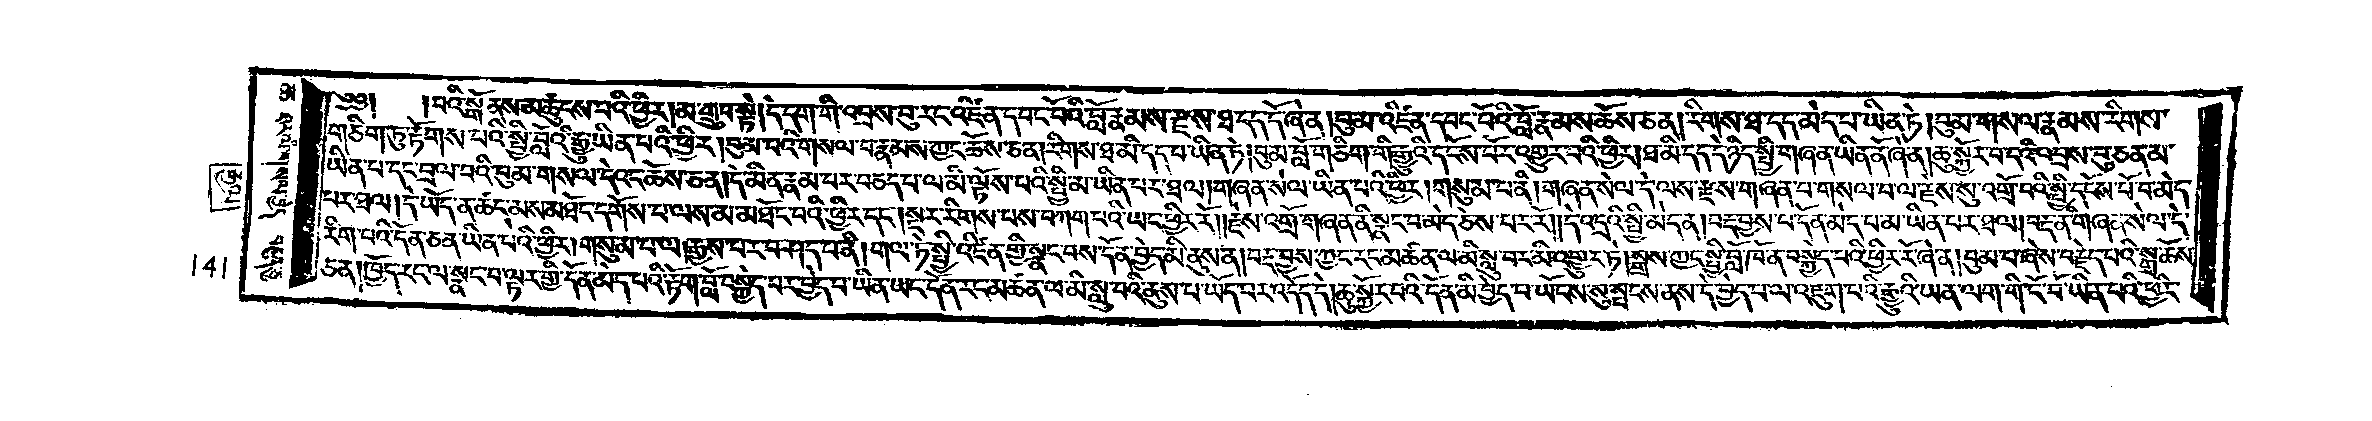༄༅། །པའི་སྒོ་ནས་མཚུངས་པའི་ཕྱིར། མ་གྲུབ་སྟེ། དེ་དག་གི་འབྲས་བུ་རང་འཛིན་དབང་པོའི་བློ་རྣམས་རྫས་ཐ་དད་དོ་ཞེ་ན། བུམ་འཛིན་དབང་པོའི་བློ་རྣམས་ཆོས་ཅན། རིགས་ཐ་དད་མེད་པ་ཡིན་ཏེ། བུམ་གསལ་རྣམས་རིགས་
གཅིག་ཏུ་རྟོགས་པའི་སྤྱི་བློའི་རྒྱུ་ཡིན་པའི་ཕྱིར། བུམ་པའི་གསལ་བ་རྣམས་ཀྱང་ཆོས་ཅན། རིགས་ཐ་མི་དད་པ་ཡིན་ཏེ། བུམ་བློ་གཅིག་གི་རྒྱུའི་དངོས་པོར་འགྱུར་བའི་ཕྱིར། ཐ་མི་དད་དེ་ཉིད་སྤྱི་གཞན་ཡིན་ནོ་ཞེ་ན། ཆུ་སྐྱོར་བ་དེའི་འབྲས་བུ་ཅན་མ་
ཡིན་པ་དང་བྲལ་བའི་བུམ་གསལ་དེའང་ཆོས་ཅན། དེ་མིན་རྣམ་པར་བཅད་པ་ལ་མི་ལྟོས་པའི་སྤྱི་མ་ཡིན་པར་ཐལ། གཞན་སེལ་ཡིན་པའི་ཕྱིར། གསུམ་པ་ནི། གཞན་སེལ་དེ་ལས་རྫས་གཞན་པ་གསལ་བ་ལ་རྗེས་སུ་འགྲོ་བའི་སྤྱི་དངོས་པོ་བ་མེད་
པར་ཐལ། དེ་ཡོད་ན་ཚད་མས་མཐོང་དགོས་པ་ལས་མ་མཐོང་བའི་ཕྱིར་དང་། སྔར་རིགས་པས་བཀག་པའི་ཡང་ཕྱིར་རོ། །རྗེས་འགྲོ་གཞན་ནི་སྣང་བ་མེད་ཅེས་པར་རོ། །དེ་འདྲའི་སྤྱི་མེད་ན། བརྡ་བྱས་པ་དོན་མེད་པ་མ་ཡིན་པར་ཐལ། བརྡ་ནི་གཞན་སེལ་དེ་
རིག་པའི་དོན་ཅན་ཡིན་པའི་ཕྱིར། གསུམ་པ་ལ། རྒྱས་པར་བཤད་པ་ནི། གལ་ཏེ་སྤྱི་འཛིན་གྱི་སྣང་བས་དོན་བྱེད་མི་ནུས་ན། བརྡ་བྱས་ཀྱང་རང་མཚན་ལ་མི་སླུ་བར་མི་འགྱུར་ཏེ། སྒྲས་ཀྱང་སྤྱི་བློ་ཁོ་ན་བསྐྱེད་པའི་ཕྱིར་རོ་ཞེ་ན། བུམ་པ་ཞེས་བརྗོད་པའི་སྒྲ་ཆོས་
ཅན། ཁྱོད་རང་ལ་སྣང་བ་ལྟར་གྱི་དོན་མེད་པའི་རྟོག་བློ་བསྐྱེད་པར་བྱེད་པ་ཡིན་ཡང་དོན་རང་མཚན་ལ་མི་སླུ་བའི་ནུས་པ་ཡོད་པར་འདོད་དེ། ཆུ་སྐྱོར་བའི་དོན་མི་བྱེད་པ་ཡོངས་སུ་སྤངས་ནས་དེ་བྱེད་པ་ལ་འཇུག་པའི་རྒྱུའི་ཡན་ལག་གི་ངོ་བོ་ཡིན་པའི་ཕྱིར་